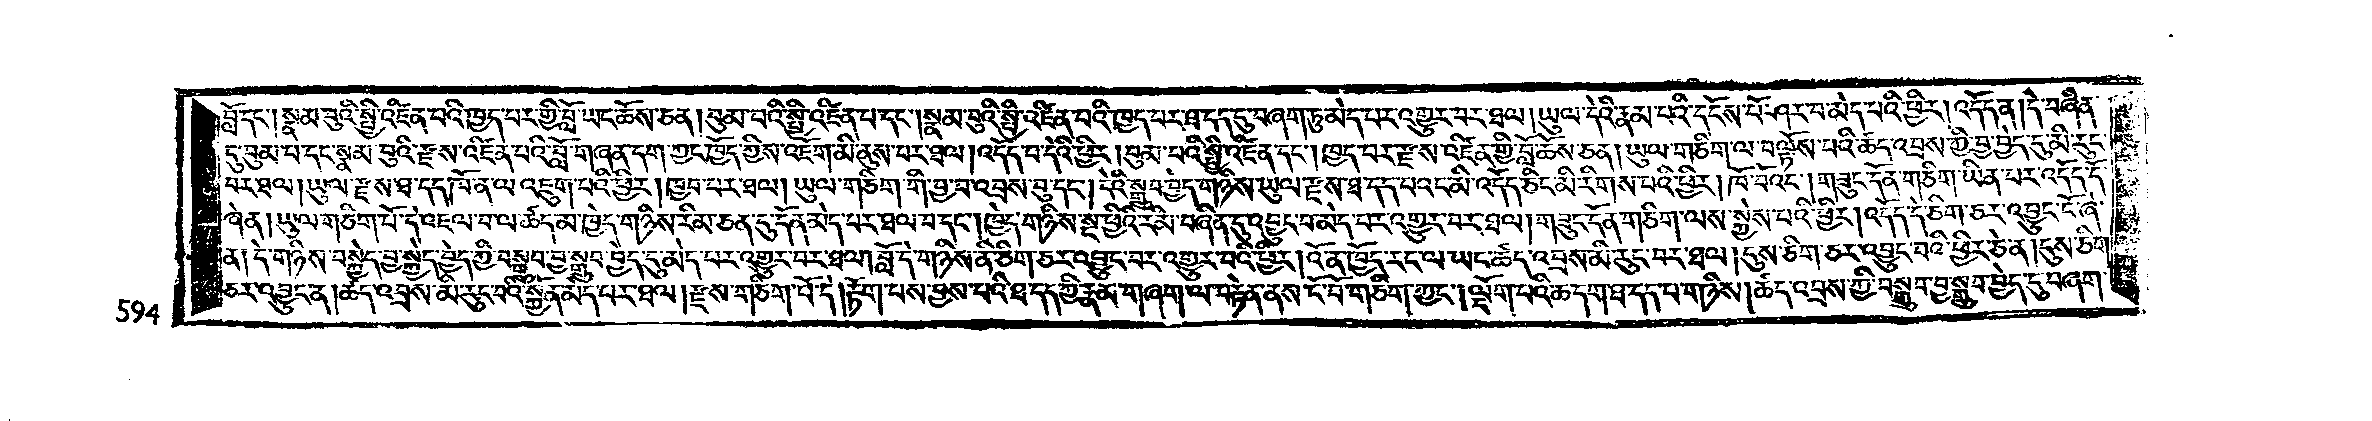བློ་དང་། སྣམ་བུའི་སྤྱི་འཛིན་པའི་ཁྱད་པར་གྱི་བློ་ཡང་ཆོས་ཅན་།བུམ་པའི་སྤྱི་འཛིན་པ་དང་།སྣམ་བུའི་སྤྱི་འཛིན་པའི་ཁྱད་པར་ཐ་དད་དུ་བཞག་ཏུ་མེད་པར་འགྱུར་བར་ཐལ། ཡུལ་དེའི་རྣམ་པའི་དངོས་པོ་ཤར་བ་མེད་པའི་ཕྱིར། འདོད་ན། དེ་བཞིན་
དུ་བུམ་པ་དང་སྣམ་བུའི་རྫས་འཛིན་པའི་བློ་གཞན་དག་ཀྱང་ཁྱོད་ཀྱིས་འཇོག་མི་ནུས་པར་ཐལ། འདོད་པ་དེའི་ཕྱིར། བུམ་པའི་སྤྱི་འཛིན་དང་། ཁྱད་པར་རྫས་འཛིན་གྱི་བློ་ཆོས་ཅན། ཡུལ་གཅིག་ལ་བལྟོས་པའི་ཚད་འབྲས་ཀྱི་བྱ་བྱེད་དུ་མི་རུང་
བར་ཐལ། ཡུལ་རྫས་ཐ་དད་ཁོ་ན་ལ་འཇུག་པའི་ཕྱིར་།ཁྱབ་པར་ཐལ། ཡུལ་གཅིག་གི་བྱ་བ་འབྲས་བུ་དང་།དེའི་སྒྲུབ་བྱེད་གཉིས་ཡུལ་རྫས་ཐ་དད་པའང་མི་འདོད་ཅིང་མི་རིགས་པའི་ཕྱིར་།ཁོ་བོའང་།གཟུང་དོན་གཅིག་ཡིན་པར་འདོད་དོ་
ཞེན། ཡུལ་གཅིག་པོ་དེ་འཇལ་བ་ལ་ཚད་མ་ཁྱེད་གཉིས་རིམ་ཅན་དུ་དོན་མེད་པར་ཐལ་བ་དང་། ཁྱེད་གཉིས་སྔ་ཕྱིའི་རིམ་བཞིན་དུ་འབྱུང་བ་མེད་པར་འགྱུར་བར་ཐལ། གཟུང་དོན་གཅིག་ལས་སྐྱེས་པའི་ཕྱིར། འདོད་དེ་ཅིག་ཅར་འབྱུང་ངོ་ཞེ་
ན། དེ་གཉིས་བསྐྱེད་བྱ་སྐྱེད་བྱེད་ཀྱི་བསྒྲུབ་བྱ་སྒྲུབ་བྱེད་དུ་མེད་པར་འགྱུར་བར་ཐལ། བློ་དེ་གཉིས་ནི་ཅིག་ཅར་འབྱུང་བར་འགྱུར་བའི་ཕྱིར། འོ་ན་ཁྱོད་རང་ལ་ཡང་ཚད་འབྲས་མི་རུང་བར་ཐལ། དུས་ཅིག་ཅར་འབྱུང་བའི་ཕྱིར་ཅེ་ན། དུས་ཅིག་
ཅར་འབྱུང་ན། ཚད་འབྲས་མི་རུང་བའི་སྐྱོན་མེད་པར་ཐལ། རྫས་གཅིག་པོ་དེ། རྟོག་པས་བྱས་པའི་ཐ་དད་ཀྱི་རྣམ་གཞག་ལ་བརྟེན་ནས་ངོ་བོ་གཅིག་ཀྱང་། ལྡོག་པའི་ཆ་དག་ཐ་དད་པ་གཉིས། ཚད་འབྲས་ཀྱི་བསྒྲུབ་བྱ་སྒྲུབ་བྱེད་དུ་བཞག་